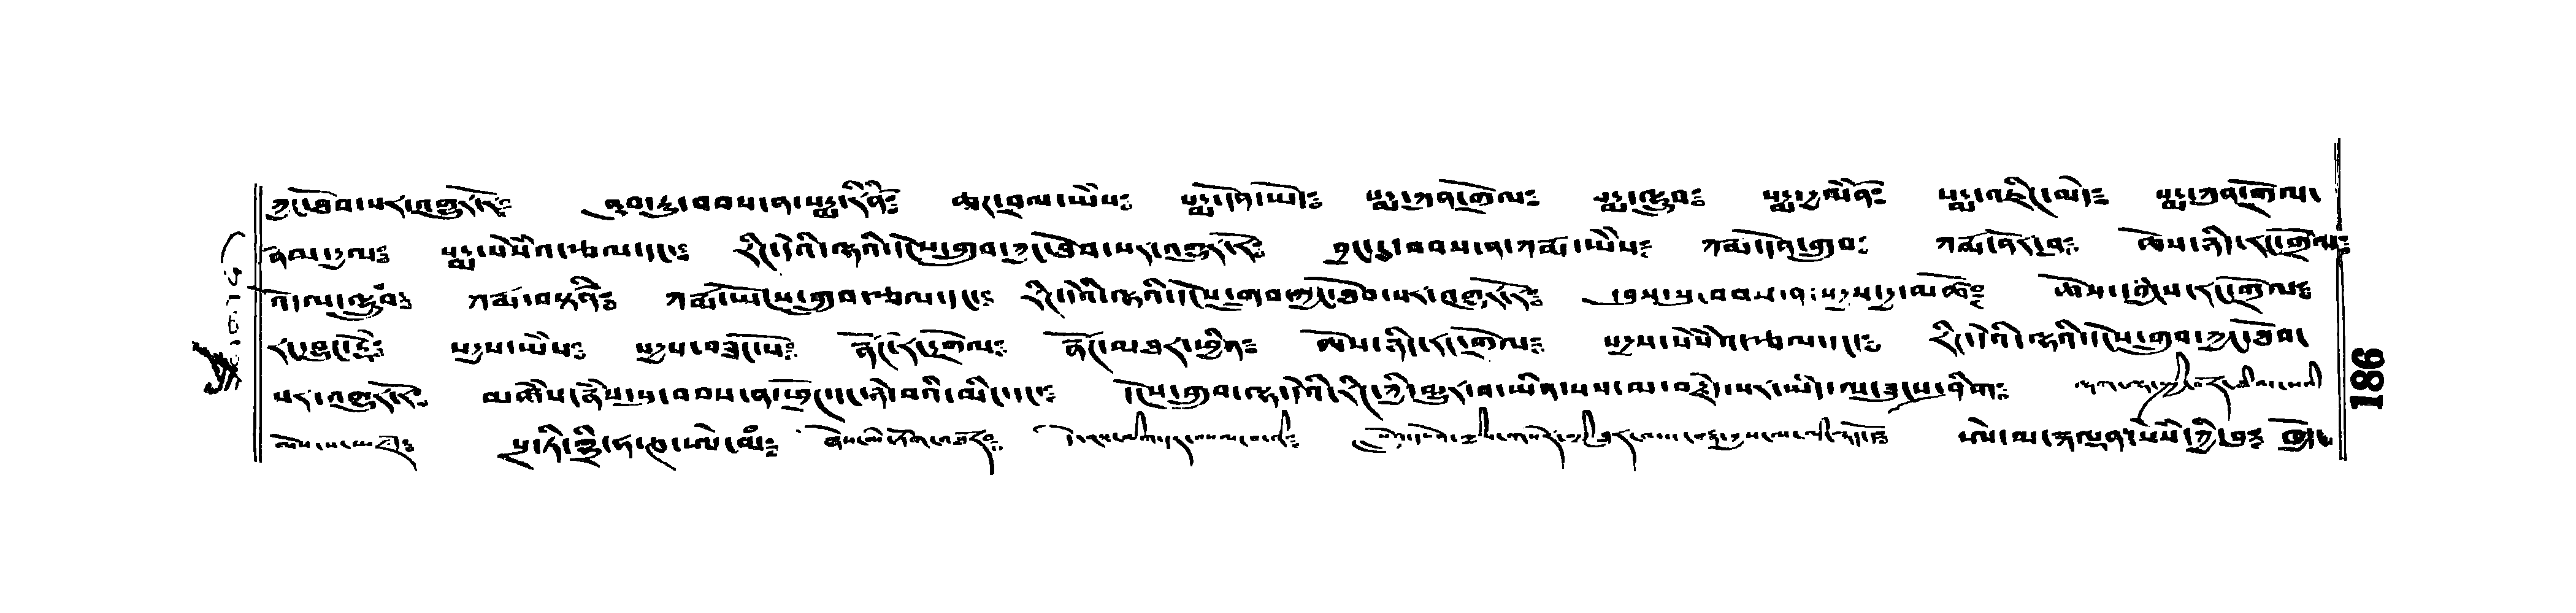ཀྱང་ཐོབ་པར་འགྱུར་རོ༔ ནུབ་ཏུ་བབས་ན་པདྨ་རིག་འཛིན༔ ཆགས་བྲལ་ཡེ་ཤེས༔ པདྨ་དོན་ཡོད༔ པདྨ་ཀུན་གྲོལ༔ པདྨ་ལྷུན་གྲུབ༔ པདྨ་རྒྱལ་མཚན༔ པདྨ་འཇིགས་མེད༔ པདྨ་ཀུན་གྲོལ་
རྣམ་རྒྱལ༔ པདྨ་སེམས་དཔའ་རྩལ་དང༔ རིགས་དེའི་ལྷའི་དངོས་གྲུབ་ཀྱང་ཐོབ་པར་འགྱུར་རོ༔ བྱང་དུ་བབས་ན་ཀརྨ་ཡེ་ཤེས༔ ཀརྨ་དོན་གྲུབ༔ ཀརྨ་ནོར་བུ༔ ཆོས་ཉིད་རང་གྲོལ༔ 
འོད་གསལ་ལྷུན་གྲུབ༔ ཀརྨ་བསྟན་འཛིན༔ ཀརྨ་ཡོངས་གྲུབ་རྩལ་དང༔རིགས་དེའི་ལྷའི་དངོས་གྲུབ་ཀྱང་ཐོབ་པར་འགྱུར་རོ༔ དབུས་སུ་བབས་ན་སངས་རྒྱས་རྒྱ་མཚོ༔ ཆོས་དབྱིངས་རང་གྲོལ༔ 
རང་བྱུང་རྡོ་རྗེ༔ སངས་རྒྱས་ཡེ་ཤེས༔ སངས་རྒྱས་བཟང་པོ༔ སྣ་ཚོགས་རང་གྲོལ༔ སྣ་ཚོགས་མཐར་ཕྱིན༔ ཆོས་ཉིད་རང་གྲོལ༔ སངས་རྒྱས་སེམས་དཔའ་རྩལ་དང༔ རིགས་དེའི་ལྷའི་དངོས་གྲུབ་ཀྱང་ཐོབ་
པར་འགྱུར་རོ༔ མཚམས་རྣམས་སུ་བབས་ན་ཕྱོགས་དང་ཉེ་བའི་མིང་དང༔ དངོས་གྲུབ་ལྷ་དེའི་རིགས་ཀྱི་མྱུར་བ་ཡིན་པས་མ་བརྗེད་པར་ཡིད་ལ་ཟུངས་ཤིག༔ ལྷག་ལྷ་སྤྱི་བོར་ཐིམ་པའི་
མོས་པ་མཛོད༔ པྲ་ཏི་བྷྲི་ཧ་ཎ་ཨེ་མཾ༔ ཞེས་མེ་ཏོག་འཐོར༔ དེ་ནས་མིག་དར་བསལ་བ་ནི༔ སློབ་དཔོན་གྱིས་གསེར་གྱི་ཐུར་མས་བརྡ་བྱས་ལ་འདི་སྐད་དོ༔ ཨེ་མ་སྐལ་ལྡན་སེམས་ཀྱི་བུ༔ ཁྱོད་